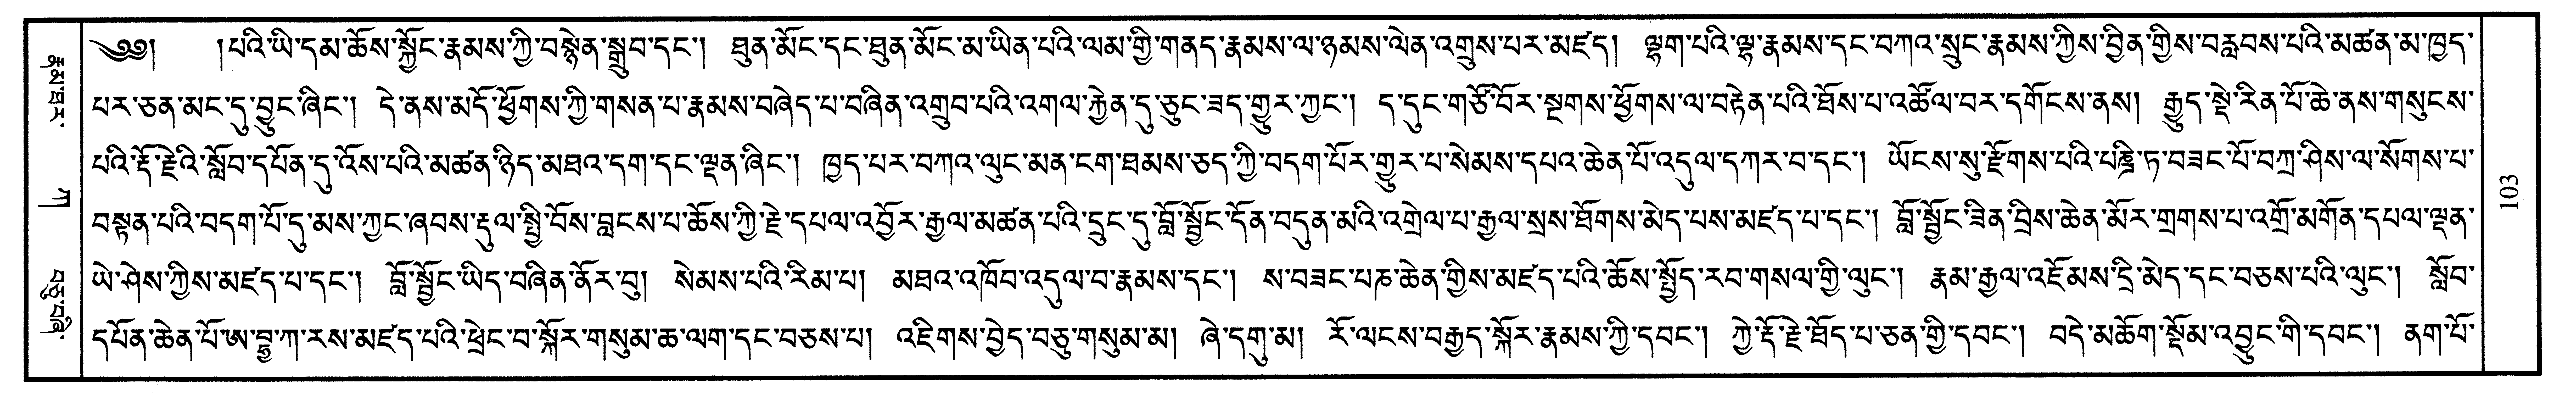༄༅། །པའི་ཡི་དམ་ཆོས་སྐྱོང་རྣམས་ཀྱི་བསྙེན་སྒྲུབ་དང་། ཐུན་མོང་དང་ཐུན་མོང་མ་ཡིན་པའི་ལམ་གྱི་གནད་རྣམས་ལ་ཉམས་ལེན་འགྲུས་པར་མཛད། ལྷག་པའི་ལྷ་རྣམས་དང་བཀའ་སྲུང་རྣམས་ཀྱིས་བྱིན་གྱིས་བརླབས་པའི་མཚན་མ་ཁྱད་
པར་ཅན་མང་དུ་བྱུང་ཞིང་། དེ་ནས་མདོ་ཕྱོགས་ཀྱི་གསན་པ་རྣམས་བཞེད་པ་བཞིན་འགྲུབ་པའི་འགལ་རྐྱེན་དུ་ཅུང་ཟད་གྱུར་ཀྱང་། ད་དུང་གཙོ་བོར་སྔགས་ཕྱོགས་ལ་བརྟེན་པའི་ཐོས་པ་འཚོལ་བར་དགོངས་ནས། རྒྱུད་སྡེ་རིན་པོ་ཆེ་ནས་གསུངས་
པའི་རྡོ་རྗེའི་སློབ་དཔོན་དུ་འོས་པའི་མཚན་ཉིད་མཐའ་དག་དང་ལྡན་ཞིང་། ཁྱད་པར་བཀའ་ལུང་མན་ངག་ཐམས་ཅད་ཀྱི་བདག་པོར་གྱུར་པ་སེམས་དཔའ་ཆེན་པོ་འདུལ་དཀར་བ་དང་། ཡོངས་སུ་རྫོགས་པའི་པཎྜི་ཏ་བཟང་པོ་བཀྲ་ཤིས་ལ་སོགས་པ་
བསྟན་པའི་བདག་པོ་དུ་མས་ཀྱང་ཞབས་རྡུལ་སྤྱི་བོས་བླངས་པ་ཆོས་ཀྱི་རྗེ་དཔལ་འབྱོར་རྒྱལ་མཚན་པའི་དྲུང་དུ་བློ་སྦྱོང་དོན་བདུན་མའི་འགྲེལ་པ་རྒྱལ་སྲས་ཐོགས་མེད་པས་མཛད་པ་དང་། བློ་སྦྱོང་ཟིན་བྲིས་ཆེན་མོར་གྲགས་པ་འགྲོ་མགོན་དཔལ་ལྡན་
ཡེ་ཤེས་ཀྱིས་མཛད་པ་དང་། བློ་སྦྱོང་ཡིད་བཞིན་ནོར་བུ། སེམས་པའི་རིམ་པ། མཐའ་འཁོབ་འདུལ་བ་རྣམས་དང་། ས་བཟང་པཎ་ཆེན་གྱིས་མཛད་པའི་ཆོས་སྤྱོད་རབ་གསལ་གྱི་ལུང་། རྣམ་རྒྱལ་འཇོམས་དྲི་མེད་དང་བཅས་པའི་ལུང་། སློབ་
དཔོན་ཆེན་པོ་ཨ་བྷྱ་ཀ་རས་མཛད་པའི་ཕྲེང་བ་སྐོར་གསུམ་ཆ་ལག་དང་བཅས་པ། འཇིགས་བྱེད་བཅུ་གསུམ་མ། ཞེ་དགུ་མ། རོ་ལངས་བརྒྱད་སྐོར་རྣམས་ཀྱི་དབང་། ཀྱེ་རྡོ་རྗེ་ཐོད་པ་ཅན་གྱི་དབང་། བདེ་མཆོག་སྡོམ་འབྱུང་གི་དབང་། ནག་པོ་